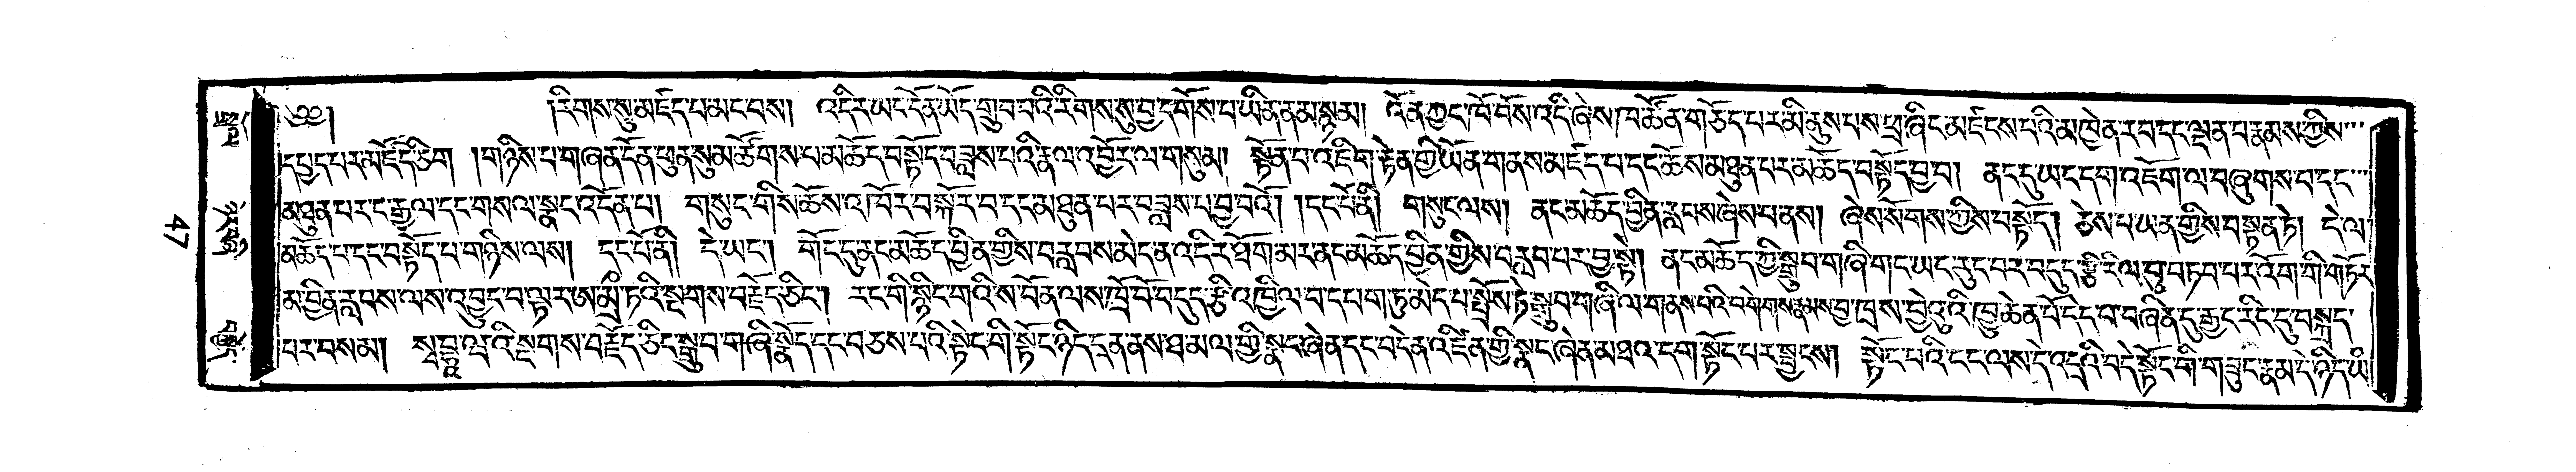༄༅། །རིགས་སུ་མཛད་པ་མང་བས། འདིར་ཡང་དོན་ཡོད་གྲུབ་པའི་རིགས་སུ་བྱ་དགོས་པ་ཡིན་ནམ་སྙམ། འོན་ཀྱང་ཁོ་བོས་འདི་ཞེས་ཁ་ཚོན་གཅོད་པར་མི་ནུས་པས་ཕྲ་ཞིང་མཛངས་པའི་མཁྱེན་རབ་དང་ལྡན་པ་རྣམས་ཀྱིས་
དཔྱད་པར་མཛོད་ཅིག །གཉིས་པ་གཞན་དོན་ཕུན་སུམ་ཚོགས་པ་མཆོད་བསྟོད་བཟླས་པའི་རྣལ་འབྱོར་ལ་གསུམ། སྟོན་པ་འཇིག་རྟེན་གྱི་ཡོན་གནས་མཛད་པ་དང་ཆོས་མཐུན་པར་མཆོད་བསྟོད་བྱ་བ། ནང་དུ་ཡང་དག་འཇོག་ལ་བཞུགས་པ་དང་
མཐུན་པར་ང་རྒྱལ་དང་གསལ་སྣང་འདོན་པ། གསུང་གིས་ཆོས་འཁོར་བསྐོར་བ་དང་མཐུན་པར་བཟླས་པ་བྱ་བའོ། །དང་པོ་ནི། གསུང་ལས། ནང་མཆོད་བྱིན་རླབས་ཞེས་པ་ནས། ཞེས་སོགས་ཀྱིས་བསྟོད། ཅེས་པ་ཡན་གྱིས་བསྟན་ཏེ། དེ་ལ་
མཆོད་པ་དང་བསྟོད་པ་གཉིས་ལས། དང་པོ་ནི། དེ་ཡང་། གོང་དུ་ནང་མཆོད་བྱིན་གྱིས་བརླབས་མེད་ན་འདིར་ཐོག་མར་ནང་མཆོད་བྱིན་གྱིས་བརླབ་པར་བྱ་སྟེ། ནང་མཆོད་ཀྱི་སྒྲུབ་གཞི་གང་ཡང་རུང་བར་བདུད་རྩི་རིལ་བུ་བཏབ་པར་འོག་གི་གཏོར་
མ་བྱིན་རླབས་ལས་འབྱུང་བ་ལྟར་ཨམྲྀ་ཏའི་སྔགས་བརྗོད་ཅིང་། རང་གི་སྙིང་གའི་ས་བོན་ལས་ཁྲོ་བོ་བདུད་རྩི་འཁྱིལ་བ་དཔག་ཏུ་མེད་པ་སྤྲོས་ཏེ་སྒྲུབ་གཞི་ལ་གནས་པའི་བགེགས་རྣམས་བྱ་ཁྲས་བྱེའུའི་ཁྱུ་ཆེན་པོ་དེད་པ་བཞིན་དུ་རྒྱང་རིང་དུ་བསྐྲད་
པར་བསམ། སྭ་བྷཱ་ཝའི་སྔགས་བརྗོད་ཅིང་སྒྲུབ་གཞི་སྣོད་དང་བཅས་པའི་སྟེང་གི་སྟོང་ཉིད་དྲན་ནས་ཐ་མལ་གྱི་སྣང་ཞེན་དང་བདེན་འཛིན་གྱི་སྣང་ཞེན་མཐའ་དག་སྟོང་པར་སྦྱངས། སྟོང་པའི་ངང་ལས་དེ་འདྲའི་བདེ་སྟོང་གི་གཟུང་རྣམ་དེ་ཉིད་ཡཾ་